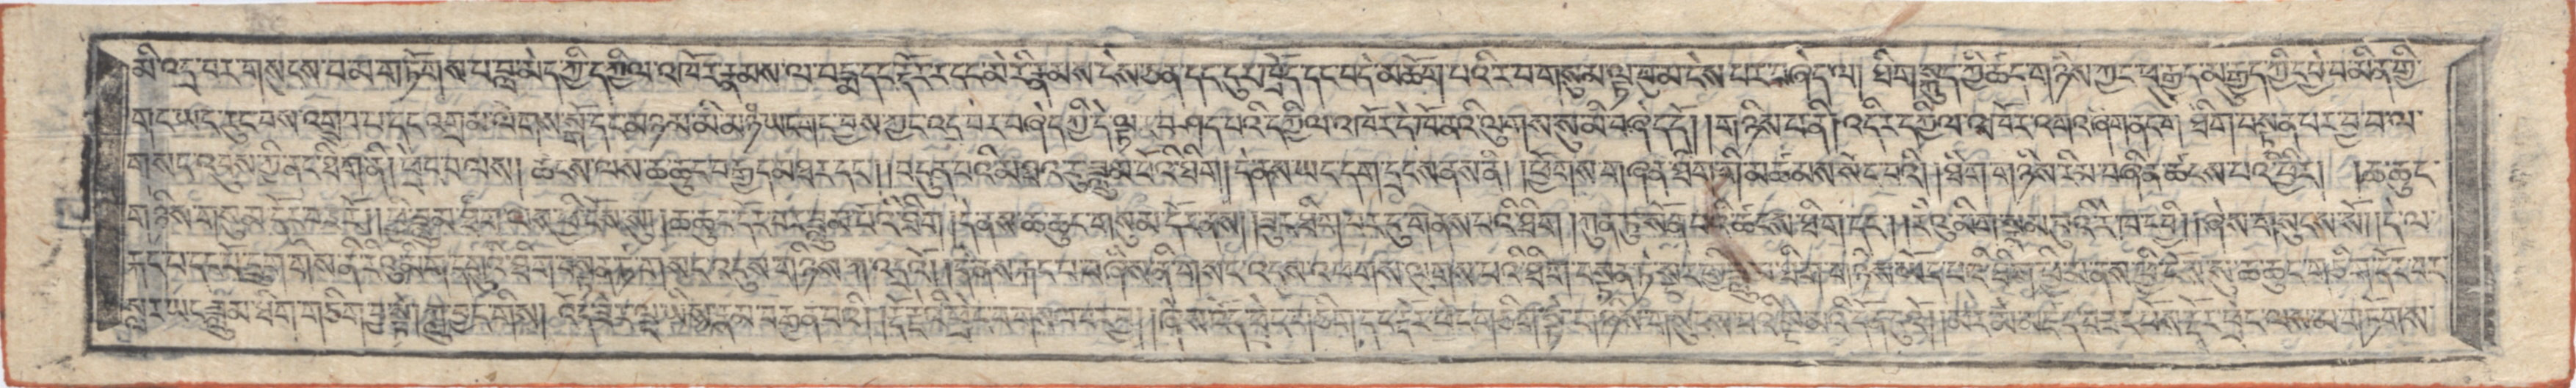མི་འདྲ་བར་གསུངས་པ་མ་གཏོགས་པ་བླ་མེད་ཀྱི་དཀྱིལ་འཁོར་རྣམས་ལ་པདམ་དང་རྡོར་ར་དང་མེ་རི་རྣམས་ངེས་ཅན་དང་དུར་ཁྲོད་དང་བདེ་མཆོག་པའི་ར་བ་གསུམ་ལྟ་བུ་མ་ངེས་པར་བཞེད་ལ། ཐིག་སྐུད་ཀྱི་ཚད་གཉིས་ཀྱང་ཕ་རྒྱུད་མ་རྒྱུད་ཀྱི་དབྱེ་བ་མིན་གྱི་
གང་ཡང་རུང་བས་འགྲུབ་པ་དང་འགྲམ་ལེགས་སྒོ་དང་མཉམ་མི་མཉཾ་ཡང་གང་བྱས་ཀྱང་འདྲ་བར་བཞེད་ཀྱི་དེ་ལྟར་བཤད་པའི་དཀྱིལ་འཁོར་དེ་ཁོ་ནའི་ལུགས་སུ་མི་བཞེད་དོ། །གཉིས་པ་ནི། འདིར་དཀྱིལ་འཁོར་འགའ་ཞིག་ནང་གི་ཐིག་བསྟན་པར་བྱ་བ་ལ་
གསང་འདུས་ཀྱི་ནང་ཐིག་ནི། ཕྲེང་བ་ལས། ཚངས་ལས་ཆ་ཆུང་བརྒྱད་མཐར་དང་། །བདུན་པའི་མཐའ་རུ་ཟླུམ་པོའི་ཐིག །དེ་ནས་ཡང་དག་དྲངས་ནས་ནི། །ཕྱོགས་གཞན་ཐིག་གི་མཚམས་སོང་བའི། །ཐིག་གཉིས་རིམ་བཞིན་ཚངས་པའི་ཕྱིར། །ཆ་ཆུང་
གཉིས་གསུམ་དོར་བར་རོ། །ཕྱི་ཟླུམ་ཐིག་ལས་ཕྱི་ངོས་སུ། །ཆ་ཆུང་དོར་བར་ཟླུམ་པོའི་ཐིག །དེ་ནས་ཆ་ཆུང་གསུམ་དོར་ནས། །ཟུར་ཐིག་བར་དུ་གནས་པའི་ཐིག །ཀུན་ཏུ་སོན་པའི་ཚངས་ཐིག་དང་། །རིའུ་མིག་སྣམ་བུའི་རེ་ཁ་དབྱི། །ཞེས་གསུངས་སོ། །དེ་ལ་
རྐང་པ་དང་པོ་དྲུག་གིས་ནི་རིའུ་མིག་དགུའི་ཐིག་བསྟན་ཏེ་གསང་འདུས་གཉིས་ཀ་འདྲའོ། །དེ་ནས་རྐང་པ་བཞིས་ནི་གསང་འདུས་འཕགས་ལུགས་པའི་ཐིག་བསྟན་ཏེ་སྔར་གྱི་ཟླུམ་ཐིག་གཉིས་ཡོད་པའི་ཐིག་ཕྱི་མ་ནས་ཕྱི་ངོས་སུ་ཆ་ཆུང་གཅིག་དོར་བར་
སླར་ཡང་ཟླུམ་ཐིག་གཅིག་བྱ་སྟེ། ཀླུ་བྱང་གིས། འོད་ཟེར་ལྔ་ཡིས་རྣམ་བརྒྱན་པའི། །རྡོ་རྗེའི་ཕྲེང་བ་གསལ་བར་བྱ། །ཞེས་འོད་ཕྲེང་གཅིག་དང་རྡོར་ཕྲེང་གཅིག་སྟེ་གཉིས་གསུངས་པའི་སྔ་མའི་དོན་དུའོ། །མར་མེ་མཛད་བཟང་པོས་རྡོར་ཕྲེང་ལས་མ་གཏོགས་